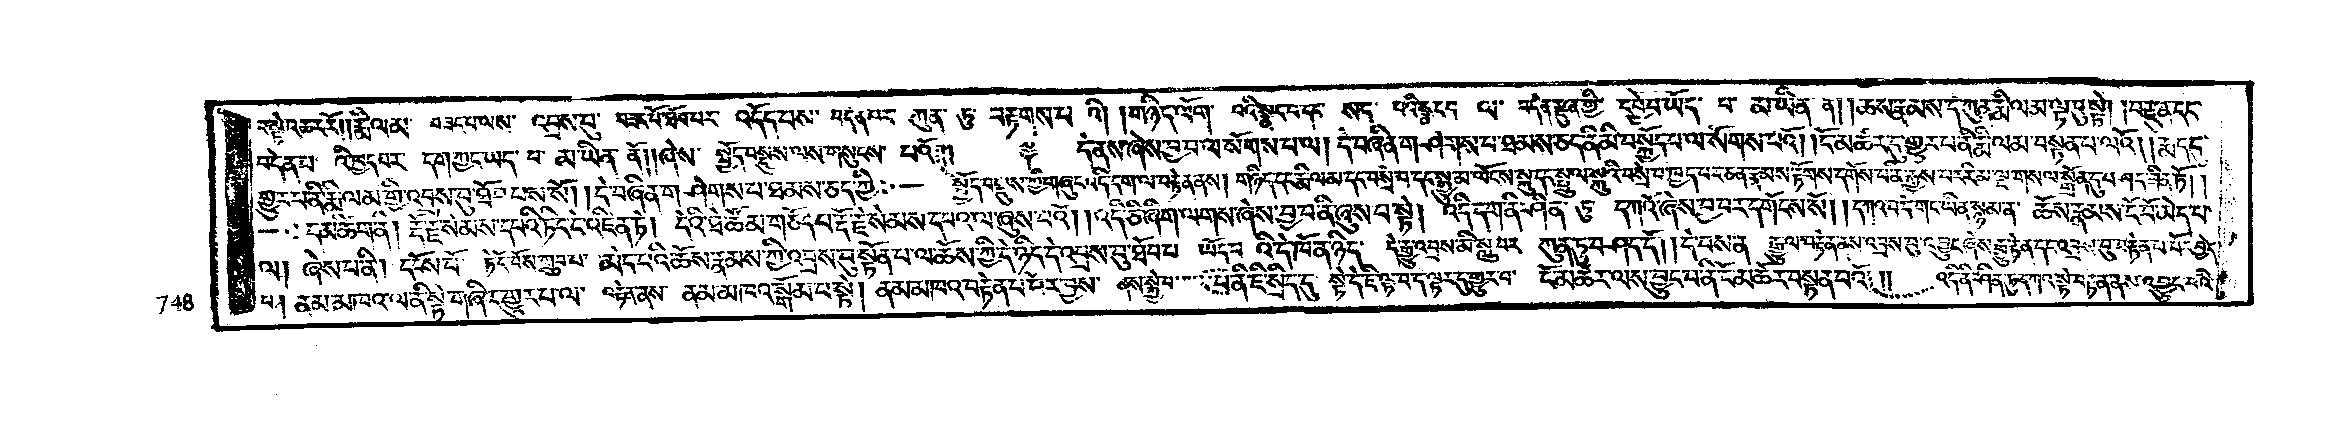བ་སྟེ་འཆར་རོ། །རྨི་ལམ་བཟང་པ་ལས་འབྲས་བུ་བཟང་པོ་ཐོབ་པར་འདོད་པས་བདེན་པར་ཀུན་ཏུ་བརྟགས་པའི། །གཉིད་ལོག་པའི་སྣང་བ་དང་། སད་པའི་སྣང་བ་ལ་བདེན་རྫུན་གྱི་དབྱེ་བ་ཡོད་པ་མ་ཡིན་ན། །ཆས་རྣམས་དེ་ཀུན་རྨི་ལམ་ལྟ་བུ་སྟེ། །བརྫུན་དང་
བདེན་པའི་ཁྱད་པར་དག་ཀྱང་ཡོད་པ་མ་ཡིན་ནོ། །ཞེས་སྤྱོད་བསྡུས་ལས་གསུངས་པའོ།། ༈ དེ་ནས་ཞེས་བྱ་བ་ལ་སོགས་པ་ལ། དེ་བཞིན་གཤེགས་པ་ཐམས་ཅད་ནི་མི་བསྐྱོད་པ་ལ་སོགས་པའོ། །ངོ་མཚར་དུ་གྱུར་པ་ནི་རྨི་ལམ་བསྟན་པ་ལའོ། །རྨད་དུ་
གྱུར་པ་ནི་རྨི་ལམ་གྱི་འབྲས་བུ་ཐོབ་པས་སོ། །དེ་བཞིན་གཤེགས་པ་ཐམས་ཅད་ཀྱི་H.་སྤྱོད་བསྡུས་ཀྱི་གཞུང་འདི་དག་ལ་བརྟེན་ནས། གཉིད་དང་རྨི་ལམ་དང་བསྲེ་བ་དང་སྒྱུ་མ་ལོངས་སྐུ་དང་སྤྲུལ་སྐུའི་བསྲེ་བ་ཁྱད་པར་ཅན་རྣམས་རྟོགས་དགོས་པ་ནི་རྒྱས་པར་རིམ་ལྔ་གསལ་སྒྲོན་དུ་བཤད་ཟིན་ཏོ།
.H དམ་ཚིག་ནི། རྡོ་རྗེ་སེམས་དཔའི་ཏིང་ངེ་འཛིན་ཏེ། དེའི་ཐེ་ཚོམ་གཅོད་པ་རྡོ་རྗེ་སེམས་དཔའ་ལ་ཞུས་པའོ། །འདི་ཅི་ཞིག་ལགས་ཞེས་བྱ་བ་ནི་ཞུས་པ་སྟེ། འདི་དག་ནི་ཤིན་ཏུ་དཀའོ་ཞེས་བྱ་བར་དགོངས་སོ། །དཀའ་བ་དེ་གང་ཡིན་སྙམ་ན་ཆོས་རྣམས་ངོ་བོ་མེད་པ་
ལ། ཞེས་པ་ནི། དངོས་པོ་ཏེ་ངོ་བོས་གྲུབ་པ་མེད་པའི་ཆོས་རྣམས་ཀྱི་འབྲས་བུ་སྟོན་པ་ལ་ཆོས་ཀྱི་དེ་ཉིད་དེ་འབྲས་བུ་ཐོབ་པ་ཡོད་པའི་དེ་ཁོ་ན་ཉིད། དེ་རྒྱུ་འབྲས་མི་སླུ་བར་ཀུན་ཏུ་བཤད་དོ། །དེ་བས་ན། རྒྱུ་ལ་བརྟེན་ནས་འབྲས་བུ་འབྱུང་ཞེས་རྒྱུ་རྟེན་དང་འབྲས་བུ་བརྟེན་པ་པོར་བྱེད་
པ། ནམ་མཁའ་ལ་ནི་སྟེ་གཞིར་གྱུར་པ་ལ་བརྟེན་ནས་ནམ་མཁའ་སྒོམ་པ་སྟེ། ནམ་མཁའ་བརྟེན་པ་པོར་བྱས། ནས་སྐྱེ་བ་པ་ནི་ཇི་སྲིད་དུ་སྟེ་དེ་ཇི་ལྟ་བ་དེ་ལྟར་དུ་གྱུར་བ་ངོ་མཚར་ལས་བྱུང་བ་ནི་ངོ་མཚར་བསྟན་པའོ།། འདི་ནི་ཤིན་ཏུ་དཀའ་སྟེ་བརྟེན་ནས་འབྱུང་བའི་